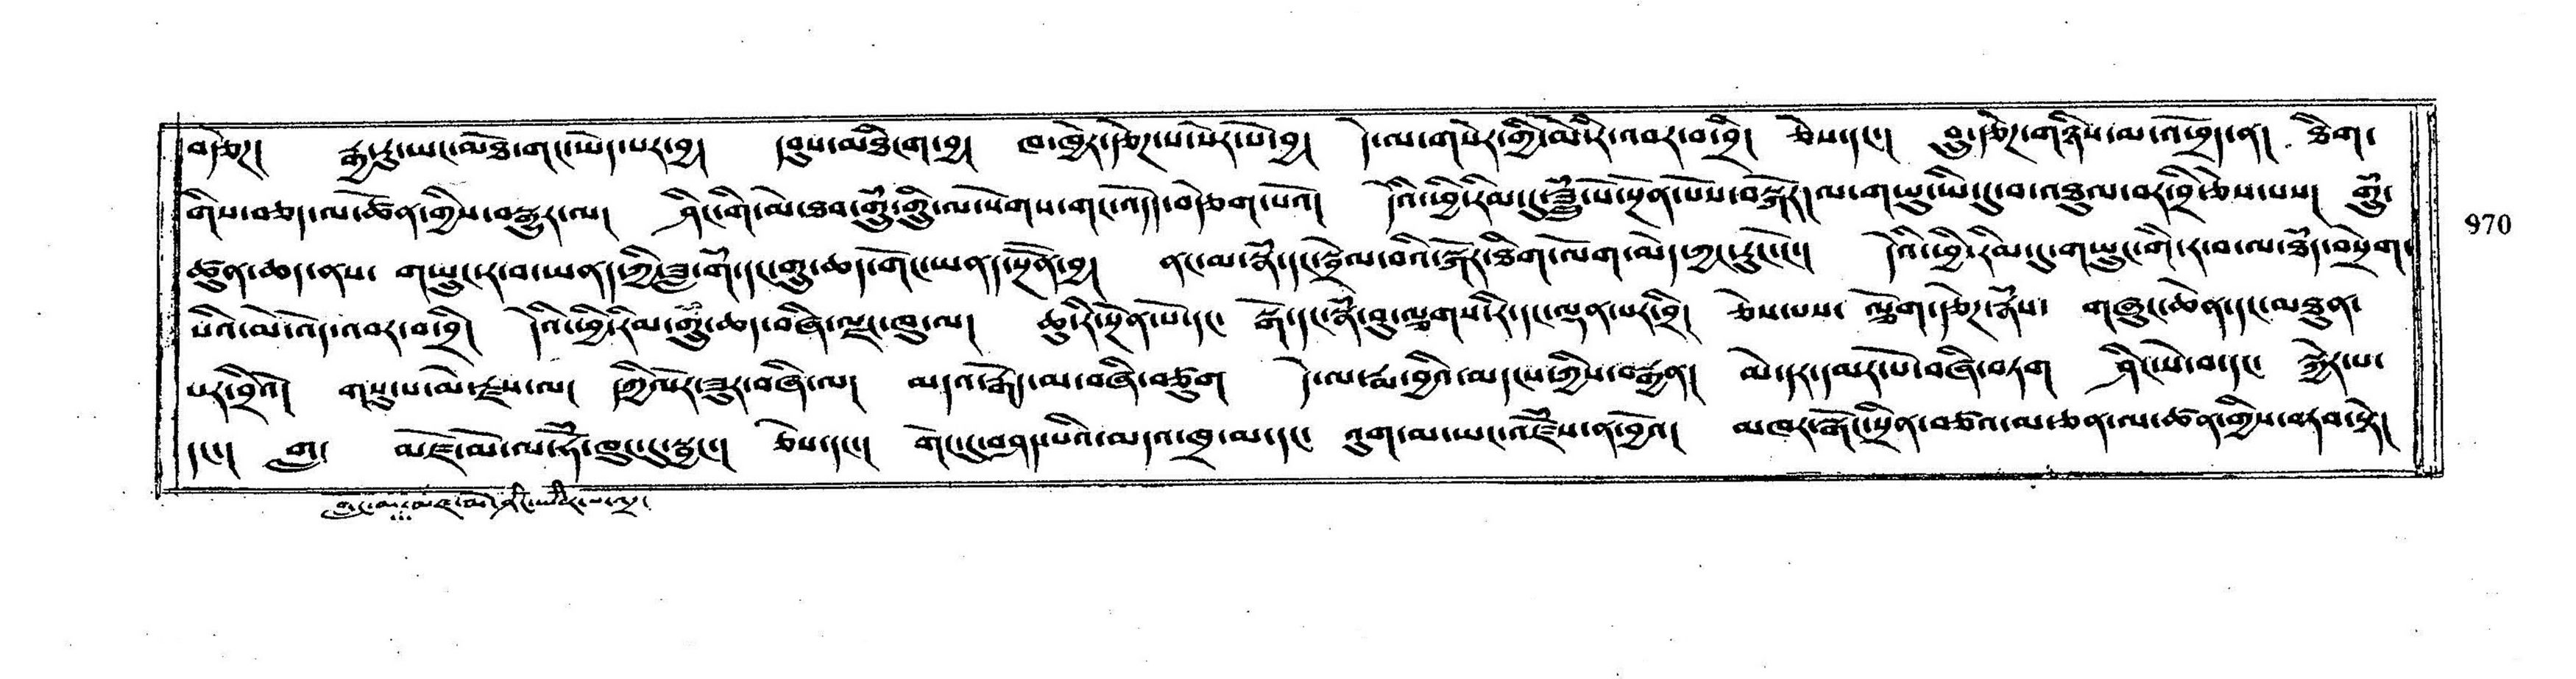རྒྱ་རུ་ཡང་མཐོ་གང་ཡོད་པར་བྱ། དབུས་མཐིང་ནག་བྱ། ཁ་ཁྱེར་རྩེགས་པ་སེར་པོ་བྱ། དེ་ལ་གསེར་གྱི་མེ་རི་འབར་བ་བྲི། ཅེས་དང་། བྲུ་རྩེགས་གཉིས་མ་འཕྲོད་ན། ཐིག་
གིས་བཅད་ལ་ཚོན་གྱིས་བསྒྱུར་ལ། ཤིང་གི་མེ་ཐབ་གྲུ་གསུམ་གྲུ་བཞི་ལ་སོགས་གང་འདོད་བརྩེག་པའོ། དེའི་ཕྱི་རིམ་དུ་ཟླུམ་པོ་སྔོན་པོས་བསྐོར་ལ་གཡུ་ཡི་དུ་བ་འཐུལ་བར་བྲི་ཅེས་པས། གྲུ་གསུམ་
ཚུན་ཆད་ནས། གཡུང་དྲུང་རྭ་བ་ཡན་ཆད་ཀྱི་ཟླ་གམ་དང་གྲུ་ཆད་གོང་ཡན་ཆད་སྔོན་པོ་བྱ། ནང་མ་སྣམ་དང་སྦྲེལ་བའི་སྐོར་ཐིག་ལོག་མེད་ཀྱང་རུང་ངོ་། དེའི་ཕྱི་རིམ་དུ་གཡུང་དྲུང་གི་རྭ་བ་ལ་ཐམས་ཅད་བསྲེག་
པའི་མེ་འོད་འབར་བ་བྲི། དེའི་ཕྱི་རིམ་གྲུ་ཆད་བཞི་ལྗང་ཁུ་ལ། ཆུ་རི་སྔོན་པོ་དང་སྒོ་དང་སྣམ་བུ་ལྕགས་རི་དང་ལྡན་པར་བྲི། ཅེས་པས་ལྕོག་རྩེགས་རྣམས་གཞུང་ཆེན་དང་མཐུན་
པར་བྲིའོ། །གསུམ་པ་མེ་རྫས་ལ། དཀྱིལ་འཁོར་ཟུར་བཞི་ལ། མདའ་རྒོད་མ་བཞི་བཙུག དེ་ལ་རྨ་བྱའི་མདངས་ཀྱིས་བརྒྱན། མེ་དར་དམར་པོ་བཞི་བཏག ཤིང་སེ་བ་དང་། སྐྱེར་པ་
དང་། གླ་༼ གླང་མ་མཛོ་མོ་ཤིང་ཡིན་པ་འདྲ།.༽ མཛོ་མོ་ལ་ཧོཾ་ཁུང་དུ་སྦྱང་། ཅེས་དང་། གོང་དུ་བཤད་པའི་མདའ་ཁྲ་མ་དང་འུག་མ་ཡང་འཛོམས་ན་བྱའོ། མཁར་སྒོང་སྲིན་བཙའ་མ་ཅན་ལ་ཚན་གྱིས་བཏབ་སྟེ།.